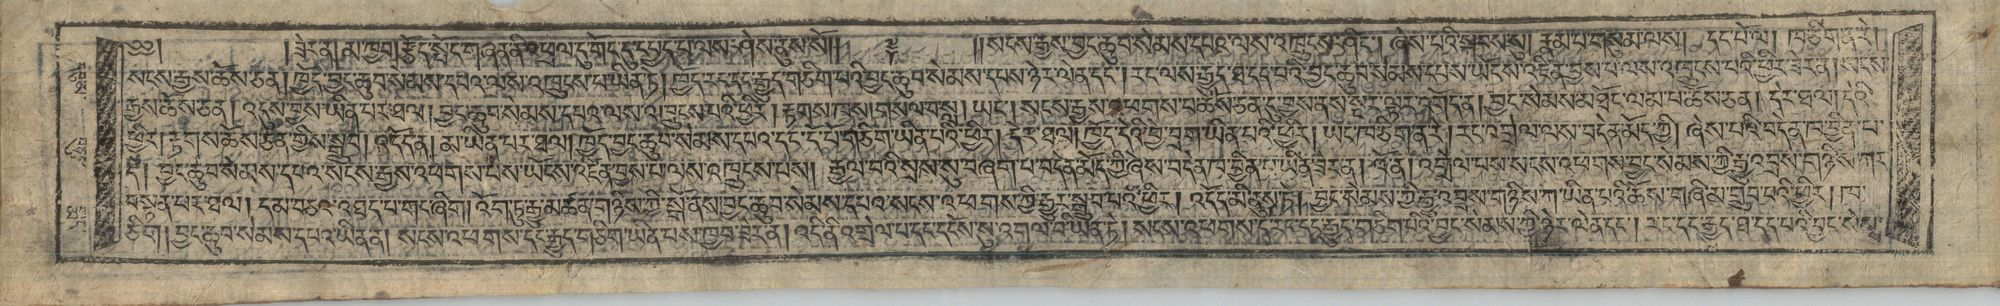༄༅། །ཟེར་ན། མ་ཁྱབ། རྩོད་སྤོང་གཞན་ནི་འཕྲལ་དུ་གོང་དུ་དཔྱད་པ་ལས་ཤེས་ནུས་སོ།། ༈ །།སངས་རྒྱས་བྱང་ཆུབ་སེམས་དཔའ་ལས་འཁྲུངས་ཤིང་། ཞེས་པའི་སྐབས་སུ། རྣམ་པ་གསུམ་ལས། དང་པོ་ལ། ཁ་ཅིག་ན་རེ།
སངས་རྒྱས་ཆོས་ཅན། ཁྱོད་བྱང་ཆུབ་སེམས་དཔའ་ལས་འཁྲུངས་པ་ཡིན་ཏེ། ཁྱོད་རང་དང་རྒྱུད་གཅིག་པའི་བྱང་ཆུབ་སེམས་དཔས་ཉེར་ལེན་དང་། རང་ལས་རྒྱུད་ཐ་དད་པའི་བྱང་ཆུབ་སེམས་དཔས་ཡོངས་འཛིན་བྱས་པ་ལས་འཁྲུངས་པའི་ཕྱིར་ཟེར་ན། སངས་
རྒྱས་ཆོས་ཅན། འདུས་བྱས་ཡིན་པར་ཐལ། བྱང་ཆུབ་སེམས་དཔའ་ལས་འཁྲུངས་པའི་ཕྱིར། རྟགས་ཁས། གསལ་བ་སླ། ཡང་། སངས་རྒྱས་འཕགས་པ་ཆོས་ཅན་དུ་བྱས་ནས་སྔར་ལྟར་འགོད་ན། བྱང་སེམས་མཐོང་ལམ་པ་ཆོས་ཅན། དེར་ཐལ། དེའི་
ཕྱིར། རྟགས་ཆོས་ཅན་གྱིས་སྒྲུབ། འདོད་ན། མ་ཡིན་པར་ཐལ། ཁྱོད་བྱང་ཆུབ་སེམས་དཔའ་དང་དོ་བོ་གཅིག་ཡིན་པའི་ཕྱིར། དེར་ཐལ། ཁྱོད་དེའི་བྱེ་བྲག་ཡིན་པའི་ཕྱིར། ཡང་ཁ་ཅིག་ན་རེ། རང་འགྲེལ་ལས་བདེན་མོད་ཀྱི། ཞེས་པའི་བདེན་ཁ་བྱིན་པ་
དེ། བྱང་ཆུབ་སེམས་དཔའ་སངས་རྒྱས་འཕགས་པས་ཡོངས་འཛིན་བྱས་པ་ལས་འཁྲུངས་པས། རྒྱལ་བའི་སྲས་སུ་བཞག་པ་བདེན་མོད་ཀྱི་ཞེས་བདེན་ཁ་བྱིན་པ་ཡིན་ཟེར་ན། འོ་ན། འགྲེལ་པས་སངས་འཕགས་བྱང་སེམས་ཀྱི་རྒྱུ་འབྲས་གཉིས་ཀར་
བསྟན་པར་ཐལ། དམ་བཅའ་འཐད་པ་གང་ཞིག །འོག་ཏུ་རྒྱུ་མཚན་གཉིས་ཀྱི་སྒོ་ནས་བྱང་ཆུབ་སེམས་དཔའ་སངས་འཕགས་ཀྱི་རྒྱུར་སྒྲུབ་པའི་ཕྱིར། འདོད་མི་ནུས་ཏེ། བྱང་སེམས་ཀྱི་རྒྱུ་འབྲས་གཉིས་ཀ་ཡིན་པའི་ཆོས་གཞི་མ་གྲུབ་པའི་ཕྱིར། ཁ་
ཅིག། བྱང་ཆུབ་སེམས་དཔའ་ཡིན་ན། སངས་འཕགས་དང་རྒྱུད་གཅིག་ཡིན་པས་ཁྱབ་ཟེར་ན། འདི་ནི་འགྲེལ་པ་དང་དངོས་སུ་འགལ་བ་ཡིན་ཏེ། སངས་འཕགས་དེ་རང་དང་རྒྱུད་གཅིག་པའི་བྱང་སེམས་ཀྱི་ཉེར་ལེན་དང་། རང་དང་རྒྱུད་ཐ་དད་པའི་བྱང་སེམས་